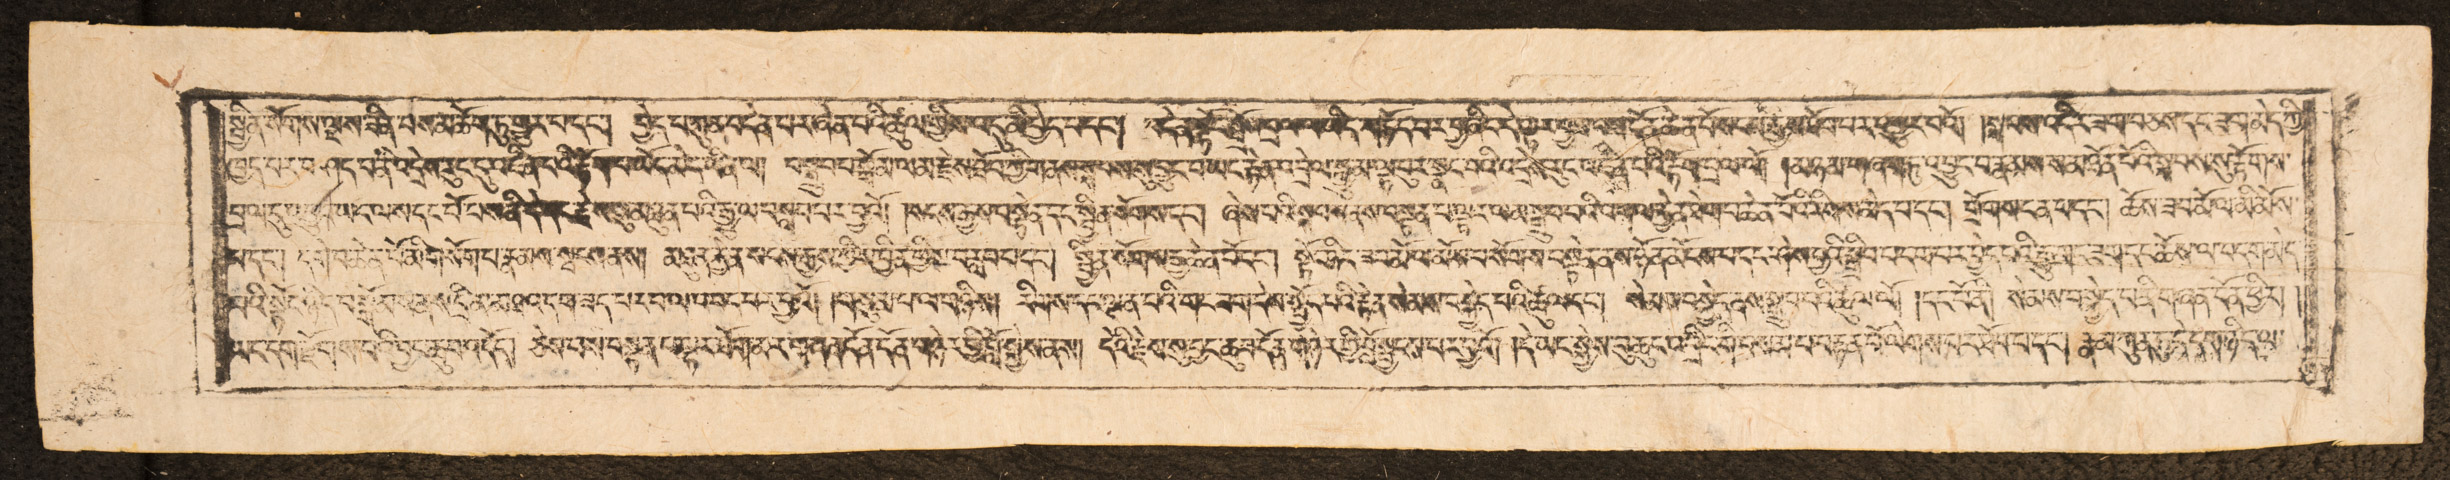སྦྱིན་སོགས་ལྔས་ཟིན་པས་མཆོག་ཏུ་གྱུར་པ་དང་། བྱེད་པ་ཀུན་བདེན་པར་ཞེན་པའི་ཚུལ་གྱིས་འདུ་མི་བྱེད་པ་དང་། བདེན་སྟོང་སྤྲོས་བྲལ་ལ་ཡིད་གཏོད་པར་བྱ་ཞིང་དེ་ལྟར་བྱས་པས་དོན་ཆེན་པོ་སངས་རྒྱས་ཐོབ་པར་འགྱུར་བའོ། །སྐབས་འདིར་ཟག་བཅས་དང་ཟག་མེད་ཀྱི་
ཁྱད་པར་བཤད་པ་ནི་འདྲེས་རུང་དུ་འཛིན་པའི་རྟོག་པ་ཡོད་མེད་ཡིན་ལ། བསྒྲུབ་པ་སྒོམ་ལམ་རྗེས་ཐོབ་ཀྱི་གནས་སྐབས་སུ་བྱུང་བ་ཡང་རྟན་འབྲེལ་སྒྱུ་མ་ལྟ་བུར་སྣང་བའི་འདྲེས་རུང་འཛིན་པའི་རྟོག་བྲལ་ལོ། །མཉམ་གཞག་ཏུ་འབྱུང་བ་རྣམས་ས་མཐོན་པོའི་སྐབས་སུ་རྟོགས་
བྲལ་དུ་འབྱུང་ཡང་ལས་དང་པོ་པས་ནི་དེ་དང་རྗེས་སུ་མཐུན་པའི་རྒྱུ་ལ་བསླབ་པར་བྱའོ། །སངས་རྒྱས་བསྟེན་དང་སྦྱིན་སོགས་དང་། ཞེས་པའི་སྐབས་ནས་བསྟན་པ་ལྟར་ལམ་སྒྲུབ་པའི་འགལ་རྐྱེན་ཐེག་པ་ཆེན་པོའི་རིགས་མེད་པ་དང་། གྲོགས་ངན་པ་དང་། ཆོས་ཟབ་མོ་ལ་མི་མོས་
པ་དང་། དགེ་བ་ཆེན་པོ་མི་གསོག་པ་རྣམས་སྤངས་ནས། མཐུན་རྐྱེན་སངས་རྒྱས་ཀྱིས་བྱིན་གྱིས་བརླབ་པ་དང་། སྦྱིན་སོགས་རྒྱ་ཆེན་པོ་དང་། སྟོང་ཉིད་ཟབ་མོ་ལ་མོས་པ་སོགས་བསྟེན་ནས་ཉོན་མོངས་པ་དང་ཤེས་བྱའི་སྒྲིབ་པ་དག་པར་བྱེད་པའི་རྒྱུ་གང་ཟག་དང་ཆོས་ལ་བདག་མེད་
པའི་སྟོང་ཉིད་བསྒོམས་ནས་དྲི་མ་མཐའ་དག་ཟད་པར་བ་ལ་འབད་པར་བྱའོ། །གསུམ་པ་ལ་གཉིས། རིགས་དང་ལྡན་པའི་གང་ཟག་དེས་སྤྱོད་པའི་རྟེན་སེམས་བསྐྱེད་པའི་ཚུལ་དང་། སེམས་བསྐྱེད་ནས་སྒྲུབ་པའི་ཚུལ་ལོ། །དང་པོ་ནི། སེམས་བསྐྱེད་པ་ནི་གཞན་དོན་ཕྱིར། །
ཡང་དག་རྫོགས་པའི་བྱང་ཆུབ་འདོད། ཅེས་པས་བསྟན་པ་ལྟར་ཐོག་མར་གཞན་དོན་དོན་གཉེར་གྱི་བློ་སྐྱེས་ནས། དེའི་རྗེས་སུ་བྱང་ཆུབ་དོན་གཉེར་གྱི་བློ་སྦྱངས་བར་བྱའོ། །དེ་ཡང་སྐྱེས་བུ་ཆུང་འབྲིང་གི་བསམ་པ་བརྟན་པོ་ལེགས་པར་ཐོབ་པ་དང་། རྣམ་ཀུན་ཏུ་དེ་དག་ཉིད་ལ་